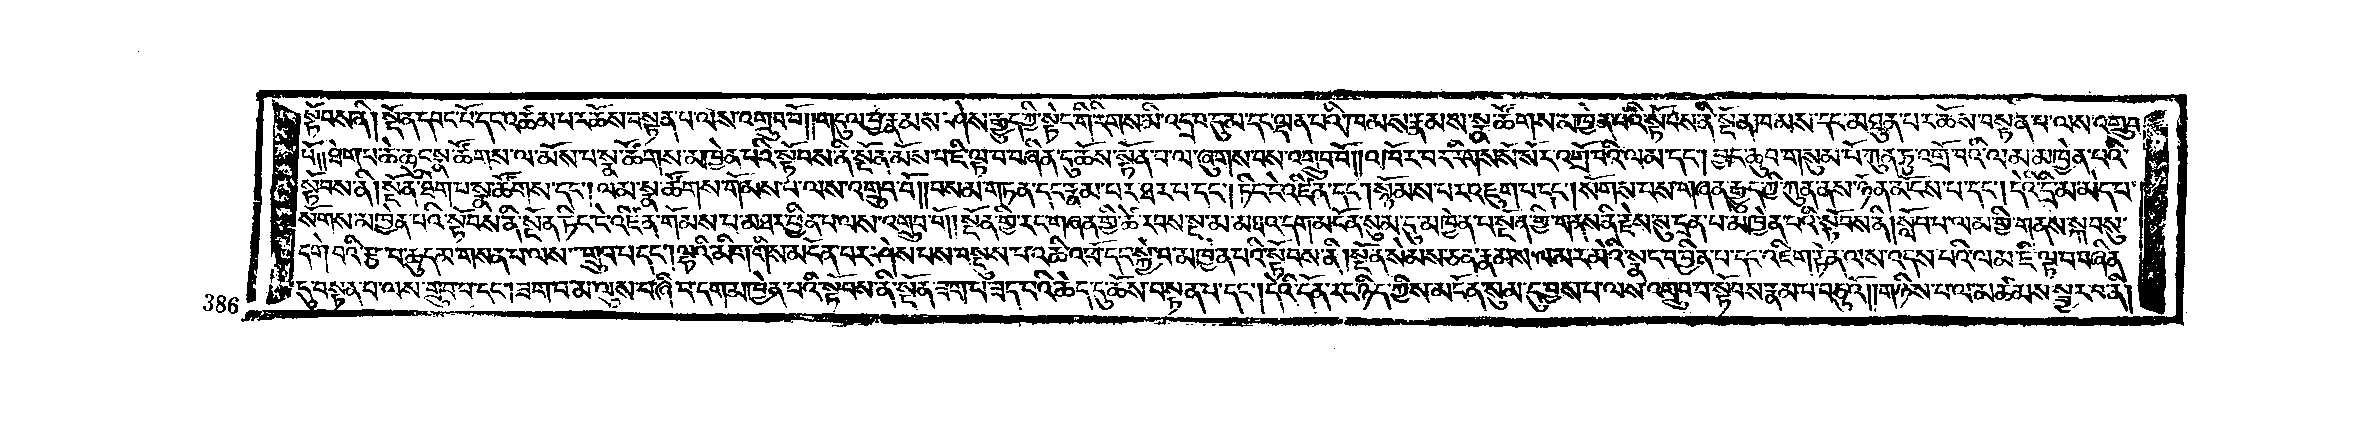སྟོབས་ནི། སྔོན་དབང་པོ་དང་འཚམ་པར་ཆོས་བསྟན་པ་ལས་འགྲུབ་བོ། །གདུལ་བྱ་རྣམས་ཤེས་རྒྱུད་ཀྱི་སྟེང་གི་རིགས་མི་འདྲ་བ་དུ་མ་དང་ལྡན་པའི་ཁམས་རྣམས་སྣ་ཚོགས་མཁྱེན་པའི་སྟོབས་ནི་སྔོན་ཁམས་དང་མཐུན་པར་ཆོས་བསྟན་པ་ལས་འགྲུབ་
བོ༑ ༑ཐེག་པ་ཆེ་ཆུང་སྣ་ཚོགས་ལ་མོས་པ་སྣ་ཚོགས་མཁྱེན་པའི་སྟོབས་ནི་སྔོན་མོས་པ་ཇི་ལྟ་བ་བཞིན་དུ་ཆོས་སྟོན་པ་ལ་ཞུགས་པས་འགྲུབ་བོ། །འཁོར་བར་རིགས་སོ་སོར་འགྲོ་བའི་ལམ་དང་། བྱང་ཆུབ་གསུམ་པོ་ཀུན་ཏུ་འགྲོ་བའི་ལམ་མཁྱེན་པའི་
སྟོབས་ནི། སྔོན་ཐེག་པ་སྣ་ཚོགས་དང་། ལམ་སྣ་ཚོགས་གོམས་པ་ལས་འགྲུབ་བོ། །བསམ་གཏན་དང་རྣམ་པར་ཐར་པ་དང་། ཏིང་ངེ་འཛིན་དང་། སྙོམས་པར་འཇུག་པ་དང་། སོགས་པས་གཞན་རྒྱུད་ཀྱི་ཀུན་ནས་ཉོན་མོངས་པ་དང་། དེའི་དྲི་མ་མེད་པ་
སོགས་མཁྱེན་པའི་སྟོབས་ནི་སྔོན་ཏིང་ངེ་འཛིན་གོམས་པ་མཐར་ཕྱིན་པ་ལས་འགྲུབ་བོ། །སྔོན་གྱི་རང་གཞན་གྱི་ཚེ་རབས་སྔ་མ་མཐའ་དག་མངོན་སུམ་དུ་མཁྱེན་པ་སྔོན་གྱི་གནས་ནི་རྗེས་སུ་དྲན་པ་མཁྱེན་པའི་སྟོབས་ནི། སློབ་པ་ལམ་གྱི་གནས་སྐབས་སུ་
དགེ་བའི་རྩ་བ་ཆུད་མ་གསན་པ་ལས་གྲུབ་པ་དང་། ལྷའི་མིག་གིས་མངོན་པར་ཤེས་པར་བསྡུས་པ་འཆི་འཕོ་དང་སྐྱེ་བ་མཁྱེན་པའི་སྟོབས་ནི། སྔོན་སེམས་ཅན་རྣམས་ལ་མར་མེའི་སྣང་བ་བྱིན་པ་དང་འཇིག་རྟེན་ལས་འདས་པའི་ལམ་ཇི་ལྟ་བ་བཞིན་
དུ་བསྟན་པ་ལས་གྲུབ་པ་དང་། ཟག་པ་མ་ལུས་བཞི་བ་དག་མཁྱེན་པའི་སྟོབས་ནི་སྔོན་ཟག་པ་ཟད་པའི་ཆེད་དུ་ཆོས་བསྟན་པ་དང་། དེའི་དོན་རང་ཉིད་ཀྱིས་མངོན་སུམ་དུ་བྱས་པ་ལས་འགྲུབ་པ་སྟོབས་རྣམ་པར་བཅུའོ། །གཉིས་པ་ལ་མཚམས་སྦྱར་བ་ནི།